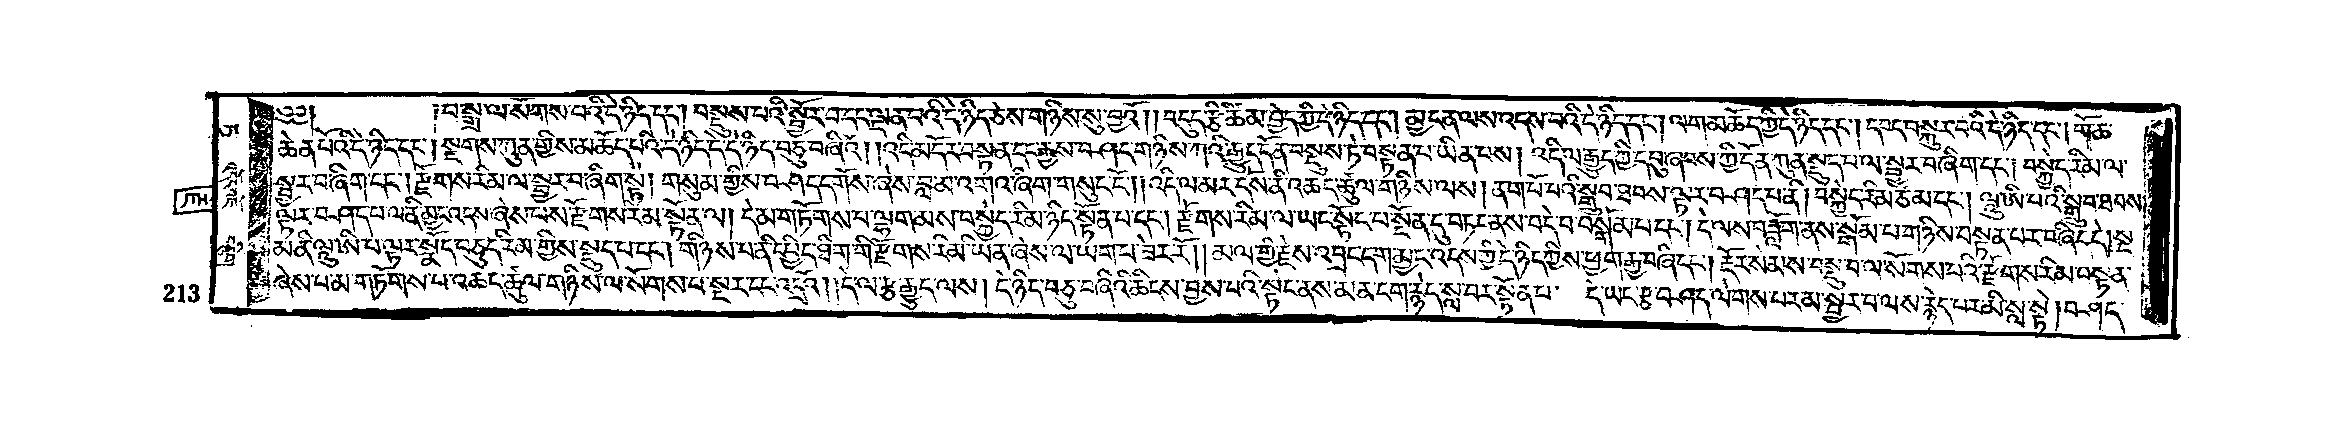༄༅། །པ་སྒ་ལ་སོགས་པའི་དེ་ཉིད་དང་། བསྡུས་པའི་སྦྱོར་བ་དང་ལྡན་པའི་དེ་ཉིད་ཅེས་གཉིས་སུ་བྱའོ། །བདུད་རྩི་ཚིམ་བྱེད་ཀྱི་དེ་ཉིད་དང་། མྱ་ངན་ལས་འདས་པའི་དེ་ཉིད་དང་། ལག་མཆོད་ཀྱི་དེ་ཉིད་དང་། དབང་བསྐུར་བའི་དེ་ཉིད་དང་། གོ་ཆ་
ཆེན་པོའི་དེ་ཉིད་དང་། སྔགས་ཀུན་གྱིས་མཆོད་པའི་དེ་ཉི་དེ་དེ་ཉིད་བཅུ་བཞིའོ། །འདི་མདོར་བསྟན་དང་རྒྱས་བཤད་གཉིས་ཀའི་རྒྱུད་དོན་བསྡུས་ཏེ་བསྟན་པ་ཡིན་པས། འདི་ལ་རྒྱུད་ཀྱི་དབུ་ཞབས་ཀྱི་དོན་ཀུན་སྡུད་པ་ལ་སྦྱར་བ་ཞིག་དང་། བསྐྱེད་རིམ་ལ་
སྦྱར་བ་ཞིག་དང་། རྫོགས་རིམ་ལ་སྦྱར་བ་ཞིག་སྟེ། གསུམ་གྱིས་བཤད་དགོས་ཞེས་བླ་མ་འགའ་ཞིག་གསུང་ངོ། །འདི་ལ་མར་དོས་ནི་འཆད་ཚུལ་གཉིས་ལས། ནག་པོ་པའི་སྒྲུབ་ཐབས་ལྟར་བཤད་པ་ནི། བསྐྱེད་རིམ་ཙམ་དང་། ལཱུ་ཨི་པའི་སྒྲུབ་ཐབས་
ལྟར་བཤད་པ་ལ་ནི་མྱང་འདས་ཞེས་པས་རྫོགས་རིམ་སྟོན་ལ། དེ་མ་གཏོགས་པ་ལྷག་མས་བསྐྱེད་རིམ་ཉིད་སྟོན་པ་དང་། རྫོགས་རིམ་ལ་ཡང་སྟོང་པ་སྔོན་དུ་བཏང་ནས་བདེ་བ་བསྒོམ་པ་དང་། དེ་ལས་བཟློག་ནས་སྒོམ་པ་གཉིས་བསྟན་པར་བཞིད་དེ། སྔ་
མ་ནི་ལཱུ་ཨི་པ་ལྟར་སྣོད་བཅུད་རིམ་གྱིས་སྡུད་པ་དང་། གཉིས་པ་ནི་དཔྱིད་ཐིག་གི་རྫོགས་རིམ་ཡིན་ཞེས་ལ་ཡག་པ་ཟེར་རོ། །མལ་གྱི་རྗེས་འབྲང་དག་མྱང་འདས་ཀྱི་དེ་ཉིད་ཀྱིས་ཕྱག་རྒྱ་བཞི་དང་། རྡོར་སེམས་བསྡུ་བ་ལ་སོགས་པའི་རྫོགས་རིམ་བསྟན་
ཞེས་པ་མ་གཏོགས་པ་འཆད་ཚུལ་གཉིས་ལ་སོགས་པ་སྔར་དང་འདྲའོ། །དེ་ལ་རྩ་རྒྱུད་ལས། དེ་ཉིད་བཅུ་བཞིའི་ཆིངས་བྱས་པའི་སྟེང་ནས་མན་ངག་རྙེད་སླ་བར་སྟོན་པ་དེ་ཡང་རྩ་བཤད་ལེགས་པར་མ་སྦྱར་བ་ལས་རྙེད་པར་མི་སླ་སྟེ། བཤད་